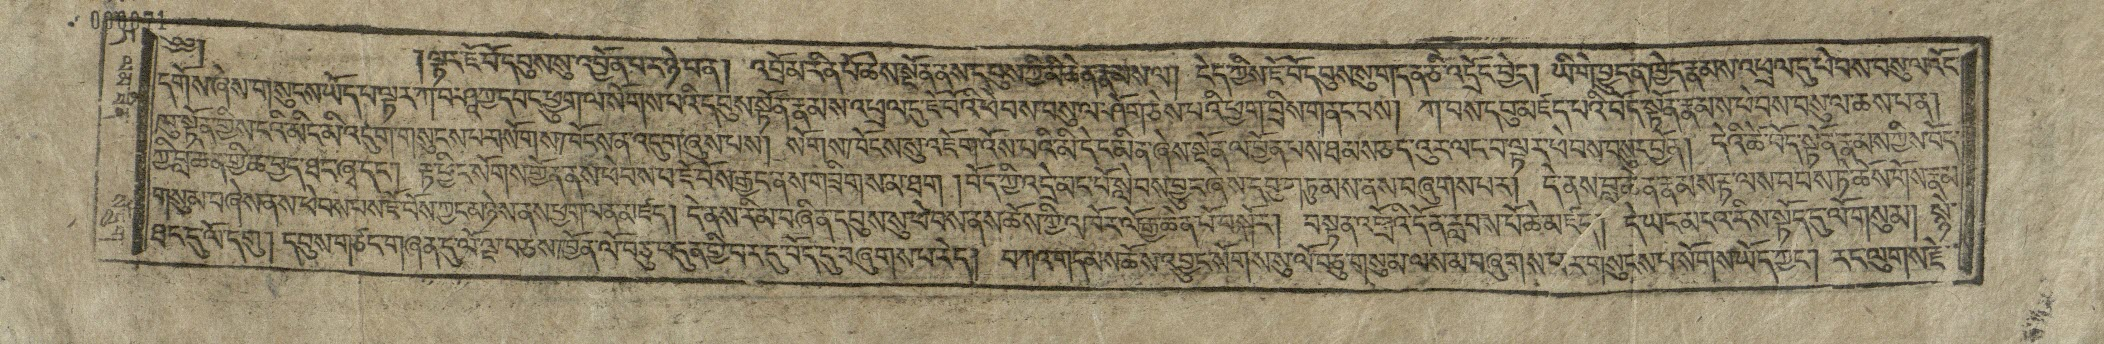༄༅། །ལྟར་ཇོ་བོ་དབུས་སུ་འབྱོན་པར་ཉེ་བ་ན། འབྲོམ་?་རིན་པོ་ཆེས་སྔོན་ནས་དབུས་ཀྱི་མི་ཆེན་རྣམས་ལ། ངེད་ཀྱིས་ཇོ་བོ་དབུས་སུ་གདན་ཅི་འདྲོང་བྱེད། ཡི་གེ་བྱུང་ན་ཁྱེད་རྣམས་འཕྲལ་དུ་ཕེབས་བསུ་ལ་འོང་
དགོས་ཞེས་གསུངས་ཡོད་པ་ལྟར་ཀ་བ་ཤཱཀྱ་དབང་ཕྱུག་ལ་སོགས་པའི་དབུས་སྟོན་རྣམས་འཕྲལ་དུ་ཇོ་བོའི་ཕེབས་བསུ་ལ་ཤོག་ཅེས་པའི་ཕྱག་བྲིས་གནང་བས། ཀ་བས་དབུ་མཛད་པའི་བོད་སྟོན་རྣམས་ཕེབས་བསུ་ལ་ཆས་པ་ན།
ཁུ་སྟོན་གྱིས་ངའི་མིང་མི་འདུག་གསུངས་པར། སོགས་ཁོངས་ན་འདུག་ཞུས་པས། སོགས་ཁོངས་སུ་འཇོག་འོས་པའི་མི་དེ་ང་མིན་ཞེས་སྔོན་ལ་བྱོན་པས་ཐམས་ཅད་འུར་ལང་བ་ལྟར་ཕེབས་བསུར་བྱོན། དེའི་ཚེ་བོད་སྟོན་རྣམས་ཀྱིས་བོད་
ཀྱི་བླ་ཆེན་གྱི་ཆ་བྱད་ཐང་ཞྭ་དང་། རྟ་ཕྱིང་སོགས་གྱོན་ནས་ཕེབས་པ་ཇོ་བོས་རྒྱང་ནས་གཟིགས་མ་ཐག །བོད་ཀྱི་འདྲེ་མང་པོ་སླེབས་བྱུང་ཞེས་དབུ་གཏུམས་ནས་བཞུགས་པར། དེ་ནས་བླ་ཆེན་རྣམས་རྟ་ལས་བབས་ཏེ་ཆོས་གོས་རྣམ་
གསུམ་བཞེས་ནས་ཕེབས་པས་ཇོ་བོས་ཀྱང་མཉེས་ནས་ཕྱག་ལན་མཛད། དེ་ནས་རིམ་བཞིན་དབུས་སུ་ཕེབས་ནས་ཆོས་ཀྱི་འཁོར་ལོ་རྒྱ་ཆེན་པོ་བསྐོར། བསྟན་འགྲོའི་དོན་རླབས་པོ་ཆེ་མཛད། དེ་ཡང་མངའ་རིས་སྟོད་དུ་ལོ་གསུམ། སྙེ་
ཐང་དུ་ལོ་དགུ །དབུས་གཙང་གཞན་དུ་ལོ་ལྔ་བཅས་ཁྱོན་ལོ་བཅུ་བདུན་གྱི་བར་དུ་བོད་དུ་བཞུགས་པ་རེད། བཀའ་གདམས་ཆོས་འབྱུང་སོགས་སུ་ལོ་བཅུ་གསུམ་ལས་མ་བཞུགས་པར་གསུངས་པ་སོགས་ཡོད་ཀྱང་། རང་ལུགས་རྗེ་